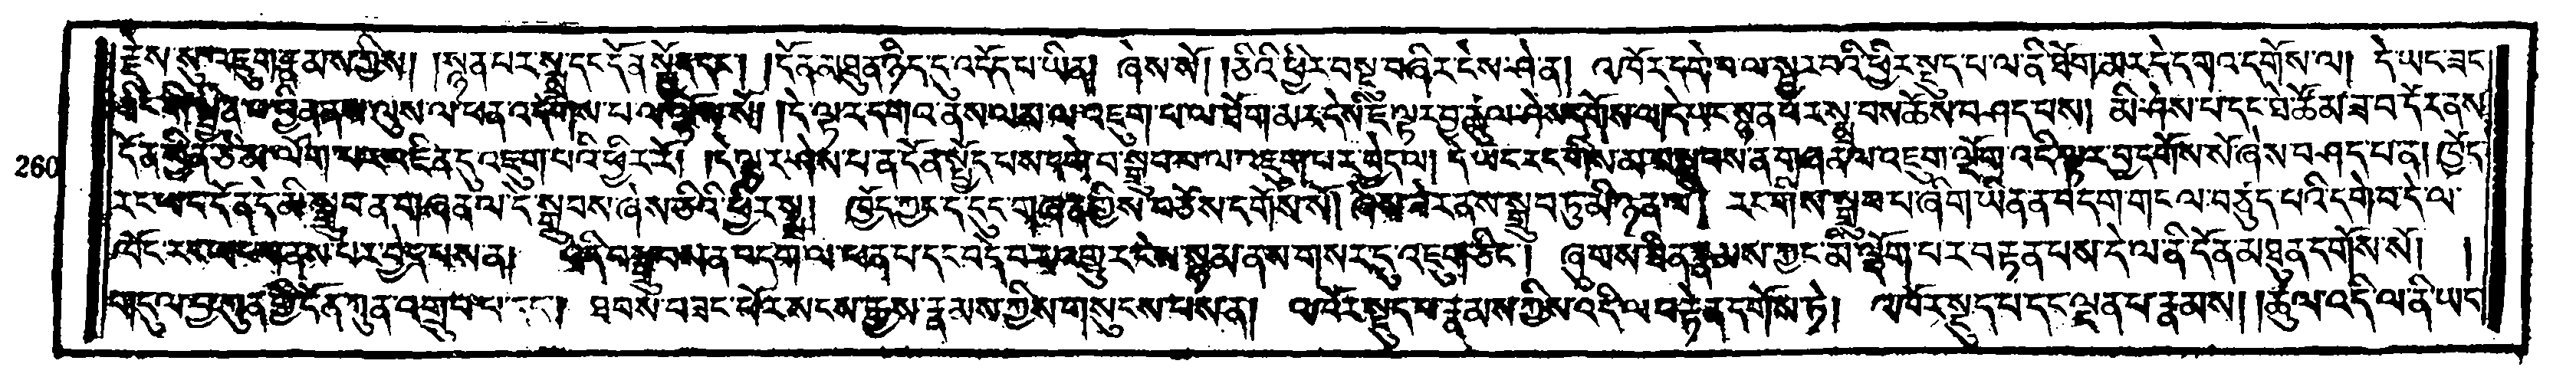རྗེས་སུ་འཇུག་རྣམས་ཀྱིས། །ཉན་པར་སྨྲ་དང་དོན་སྤྱོད་དང་། དོན་མཐུན་ཉིད་དུ་འདོད་པ་ཡིན། ཞེས་སོ། །ཅིའི་ཕྱིར་བསྡུ་བཞིར་ངེས་ཤེ་ན། འཁོར་དགེ་བ་ལ་སྦྱར་བའི་ཕྱིར་སྡུད་པ་ལ་ནི་ཐོག་མར་དེ་དགའ་དོགས་ལ། དེ་ཡང་ཟང་
ཟིང་གི་སྦྱིན་པ་བྱིན་ནས་ལུས་ལ་ཕན་འདོགས་པ་ལ་ལྟོས་སོ། །དེ་ལྟར་དགའ་ནས་ལམ་ལ་འཇུག་པ་ལ་ཐོག་མར་དེས་ཇི་ལྟར་བྱ་ཚུལ་ཤེས་དགོས་ལ། དེ་ཡང་སྙན་ཕར་སྨྲ་བས་ཆོས་བཤད་པས། མི་ཤེས་པ་དང་ཐེ་ཚོམ་ཟ་བ་དོར་ནས་
དོན་ཕྱིན་ཙམ་ལོག་པར་འཇིན་དུ་འཇུག་པའི་ཕྱིར་རོ། །དེ་ལྟར་ཤེས་པ་ན་དོན་སྤྱོད་པས་དགེ་བ་སྒྲུབ་པ་ལ་འཇུག་པར་བྱེད་ལ། དེ་ཡང་རང་གིས་མ་བསྒྲུབས་ན་གཞན་ལ་འཇུག་ལྡོག་འདི་ལྟར་བྱ་དགོས་སོ་ཞེས་བཤད་པ་ན། ཁྱོད་
རང་ཡང་དོན་དེ་མི་སྒྲུབ་ན་གཞན་ལ་དེ་སྒྲུབས་ཞེས་ཅིའི་ཕྱིར་སྨྲ། ཁྱོད་ཀྱང་ད་དུང་གཞན་གྱིས་བཅོས་དགོས་སོ། ཞེས་ཟེར་ནས་སྒྲུབ་ཏུ་མི་ཉན་ལ། རང་གིས་སྒྲུབ་པ་ཞིག་ཡིན་ན་བདག་གང་ལ་བཙུད་པའི་དགེ་བ་དེ་ལ་
ཁོང་རང་ཡང་གནས་པར་བྱེད་པས་ན། འདི་བསྒྲུབས་ན་བདག་ལ་ཕན་པ་དང་བདེ་བར་འགྱུར་ངེས་སྙམ་ནས་གསར་དུ་འཇུག་ཅིང་། ཞུགས་ཟིན་རྣམས་ཀྱང་མི་ལྡོག་པར་བརྟན་པས་དེ་ལ་ནི་དོན་མཐུན་དགོས་སོ། །
གདུལ་བྱ་ཀུན་གྱི་དོན་ཀུན་འགྲུབ་པ་དང་། ཐབས་བཟང་ཕོར་སངས་རྒྱས་རྣམས་ཀྱིས་གསུངས་པས་ན། འཁོར་སྡུད་པ་རྣམས་ཀྱིས་འདི་ལ་བརྟེན་དགོས་ཏེ། འཁོར་སྡུད་པ་དང་ལྡན་པ་རྣམས། །ཚུལ་འདི་ལ་ནི་ཡང་